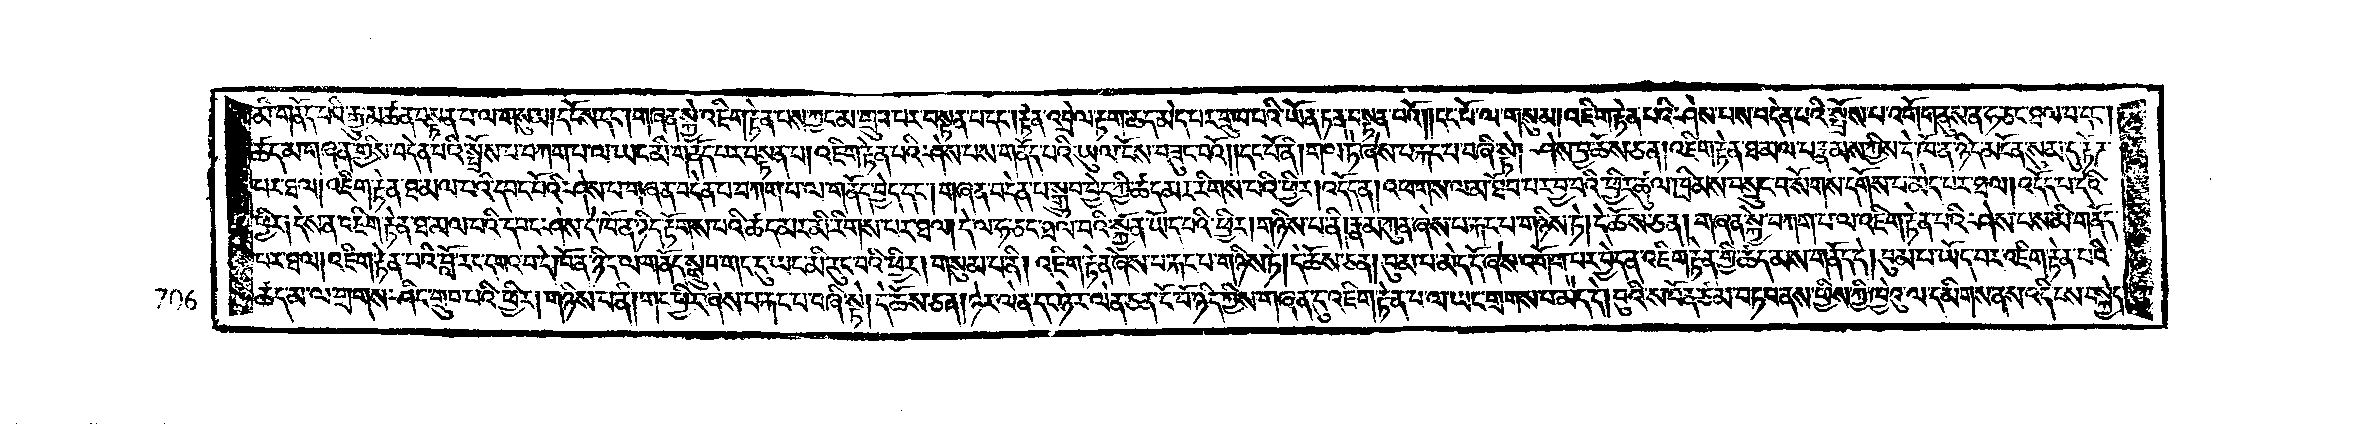མི་གནོད་པའི་རྒྱུ་མཚན་བསྟན་པ་ལ་གསུམ། དངོས་དང་། གཞན་སྐྱེ་འཇིག་རྟེན་པས་ཀྱང་མ་གྲུབ་པར་བསྟན་པ་དང་། རྟེན་འབྲེལ་རྟག་ཆད་མེད་པར་གྲུབ་པའི་ཡོན་ཏན་བསྟན་པའོ། །དང་པོ་ལ་གསུམ། འཇིག་རྟེན་པའི་ཤེས་པས་བདེན་པའི་སྤྲོས་པ་འགོག་ནུས་ན་ཧ་ཅང་ཐལ་བ་དང་།
ཚད་མ་གཞན་གྱིས་བདེན་པའི་སྤྲོས་པ་བཀག་པ་ལ་ཡང་མི་གནོད་པར་བསྟན་པ། འཇིག་རྟེན་པའི་ཤེས་པས་གནོད་པའི་ཡུལ་ངོས་བཟུང་བའོ། །དང་པོ་ནི། གལ་ཏེ་ཞེས་པ་རྐང་པ་བཞི་སྟེ། ཤེས་བྱ་ཆོས་ཅན། འཇིག་རྟེན་ཐ་མལ་པ་རྣམས་ཀྱིས་དེ་ཁོ་ན་ཉིད་མངོན་སུམ་དུ་རྟོགས་
པར་ཐལ། འཇིག་རྟེན་ཐ་མལ་པའི་དབང་པོའི་ཤེས་པ་གཞན་བདེན་པ་བཀག་པ་ལ་གནོད་བྱེད་དང་། གཞན་བདེན་པ་སྒྲུབ་བྱེད་ཀྱི་ཚད་མར་རིགས་པའི་ཕྱིར། འདོད་ན། འཕགས་ལམ་ཐོབ་པར་བྱ་བའི་ཕྱིར་ཚུལ་ཁྲིམས་བསྲུང་བ་སོགས་དགོས་པ་མེད་པར་ཐལ། འདོད་པ་དེའི་
ཕྱིར༑ དེས་ན་འཇིག་རྟེན་ཐ་མལ་པའི་དབང་ཤེས་དེ་ཁོ་ན་ཉིད་རྟོགས་པའི་ཚད་མར་མི་རིགས་པར་ཐལ། དེ་ལ་ཧ་ཅང་ཐལ་བའི་སྐྱོན་ཡོད་པའི་ཕྱིར། གཉིས་པ་ནི། རྣམ་ཀུན་ཞེས་པ་རྐང་པ་གཉིས་ཏེ། དེ་ཆོས་ཅན། གཞན་སྐྱེ་བཀག་པ་ལ་འཇིག་རྟེན་པའི་ཤེས་པས་མི་གནོད་
པར་ཐལ། འཇིག་རྟེན་པའི་བློ་རང་དགའ་བ་དེ་ཁོ་ན་ཉིད་ལ་གནོད་སྒྲུབ་གང་དུ་ཡང་མི་རུང་བའི་ཕྱིར། གསུམ་པ་ནི། འཇིག་རྟེན་ཞེས་པ་རྐང་པ་གཉིས་ཏེ། དེ་ཆོས་ཅན། བུམ་པ་མེད་དོ་ཞེས་འགོག་པར་བྱེད་ན་འཇིག་རྟེན་གྱི་ཚད་མས་གནོད་དེ། བུམ་པ་ཡོད་པར་འཇིག་རྟེན་པའི་
ཚད་མ་ལ་གྲགས་ཤིང་གྲུབ་པའི་ཕྱིར། གཉིས་པ་ནི། གང་ཕྱིར་ཞེས་པ་རྐང་པ་བཞི་སྟེ། དེ་ཆོས་ཅན། ཉེར་ལེན་དང་ཉེར་ལེན་ཅན་ངོ་བོ་ཉིད་ཀྱིས་གཞན་དུ་འཇིག་རྟེན་པ་ལ་ཡང་གྲགས་པ་མེད་དེ། བུའི་ས་བོན་ཙམ་བཏབ་ནས་ཕྱིས་ཀྱི་ཁྱེའུ་ལ་དམིགས་ནས་འདི་ངས་བསྐྱེད་